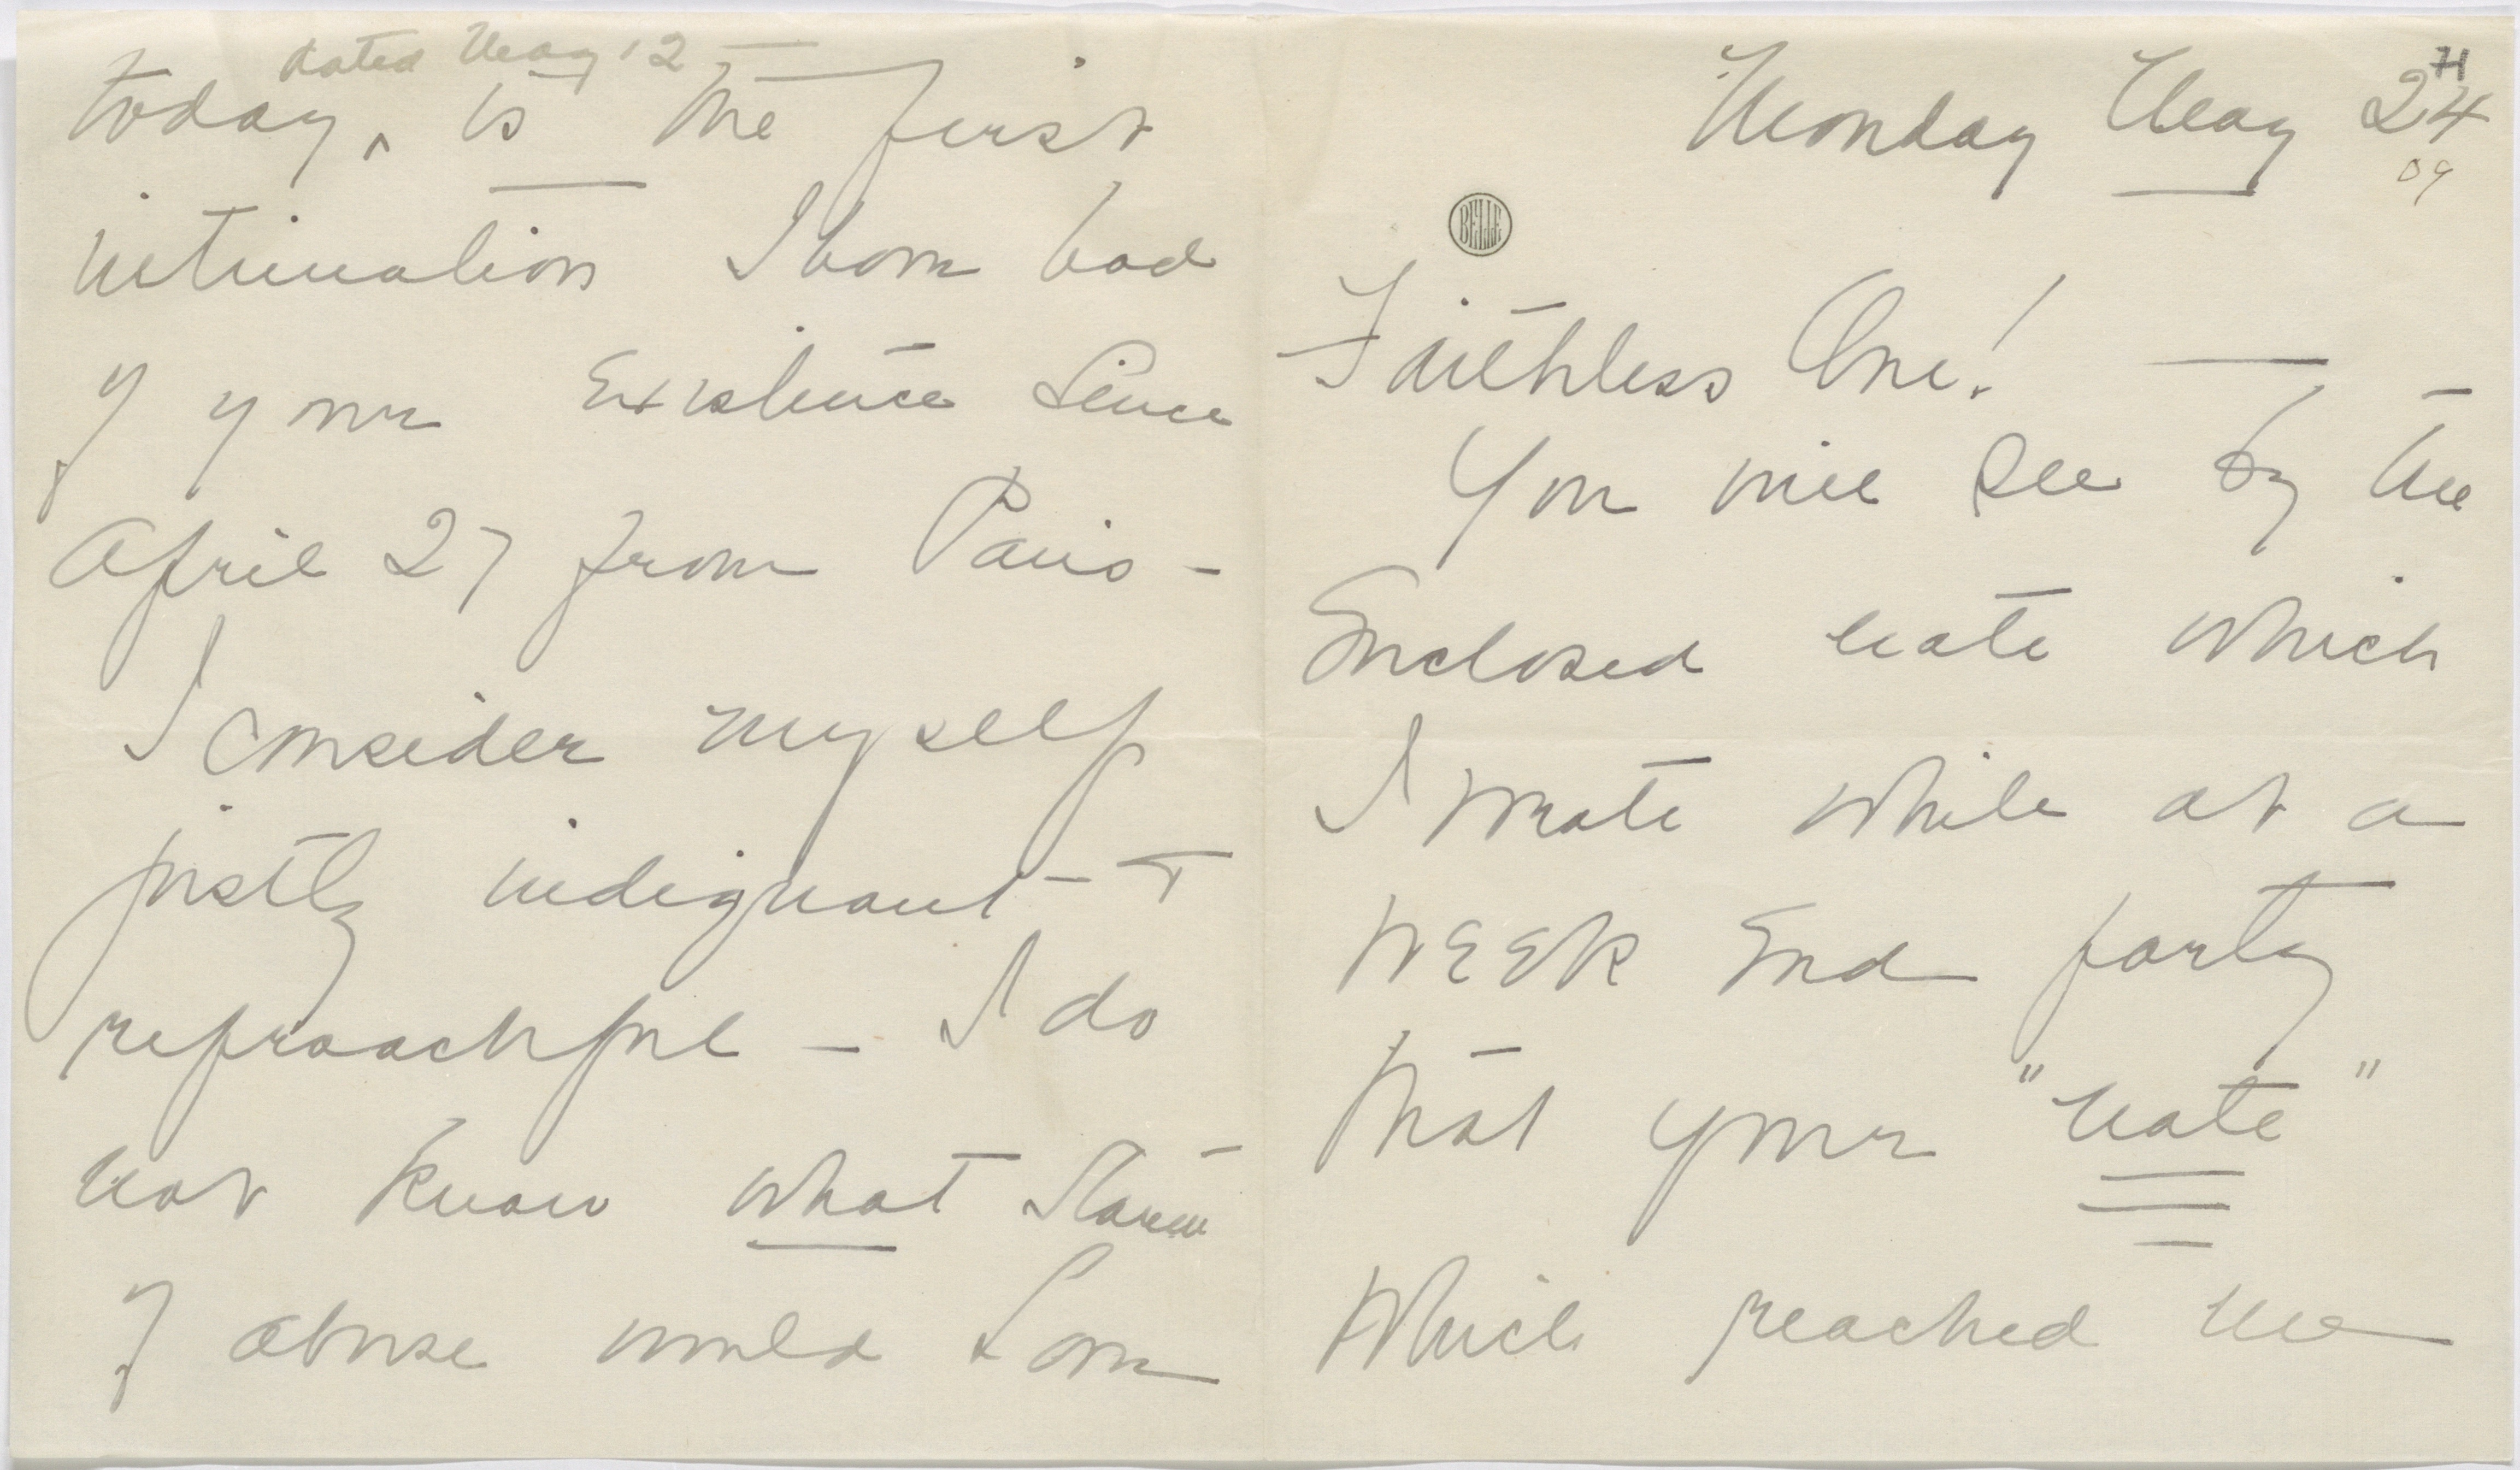Monday May 24
Faithless One! –
You will see by the enclosed note which I wrote while at a WEEK End party that your [triple underlined: “note”] which reached me
today ˆdated May 12 –ˆ is the first intimation I have had of your existence since April 27 from Paris – I consider myself justly indignant & reproachful – I do not know what storm of abuse would have